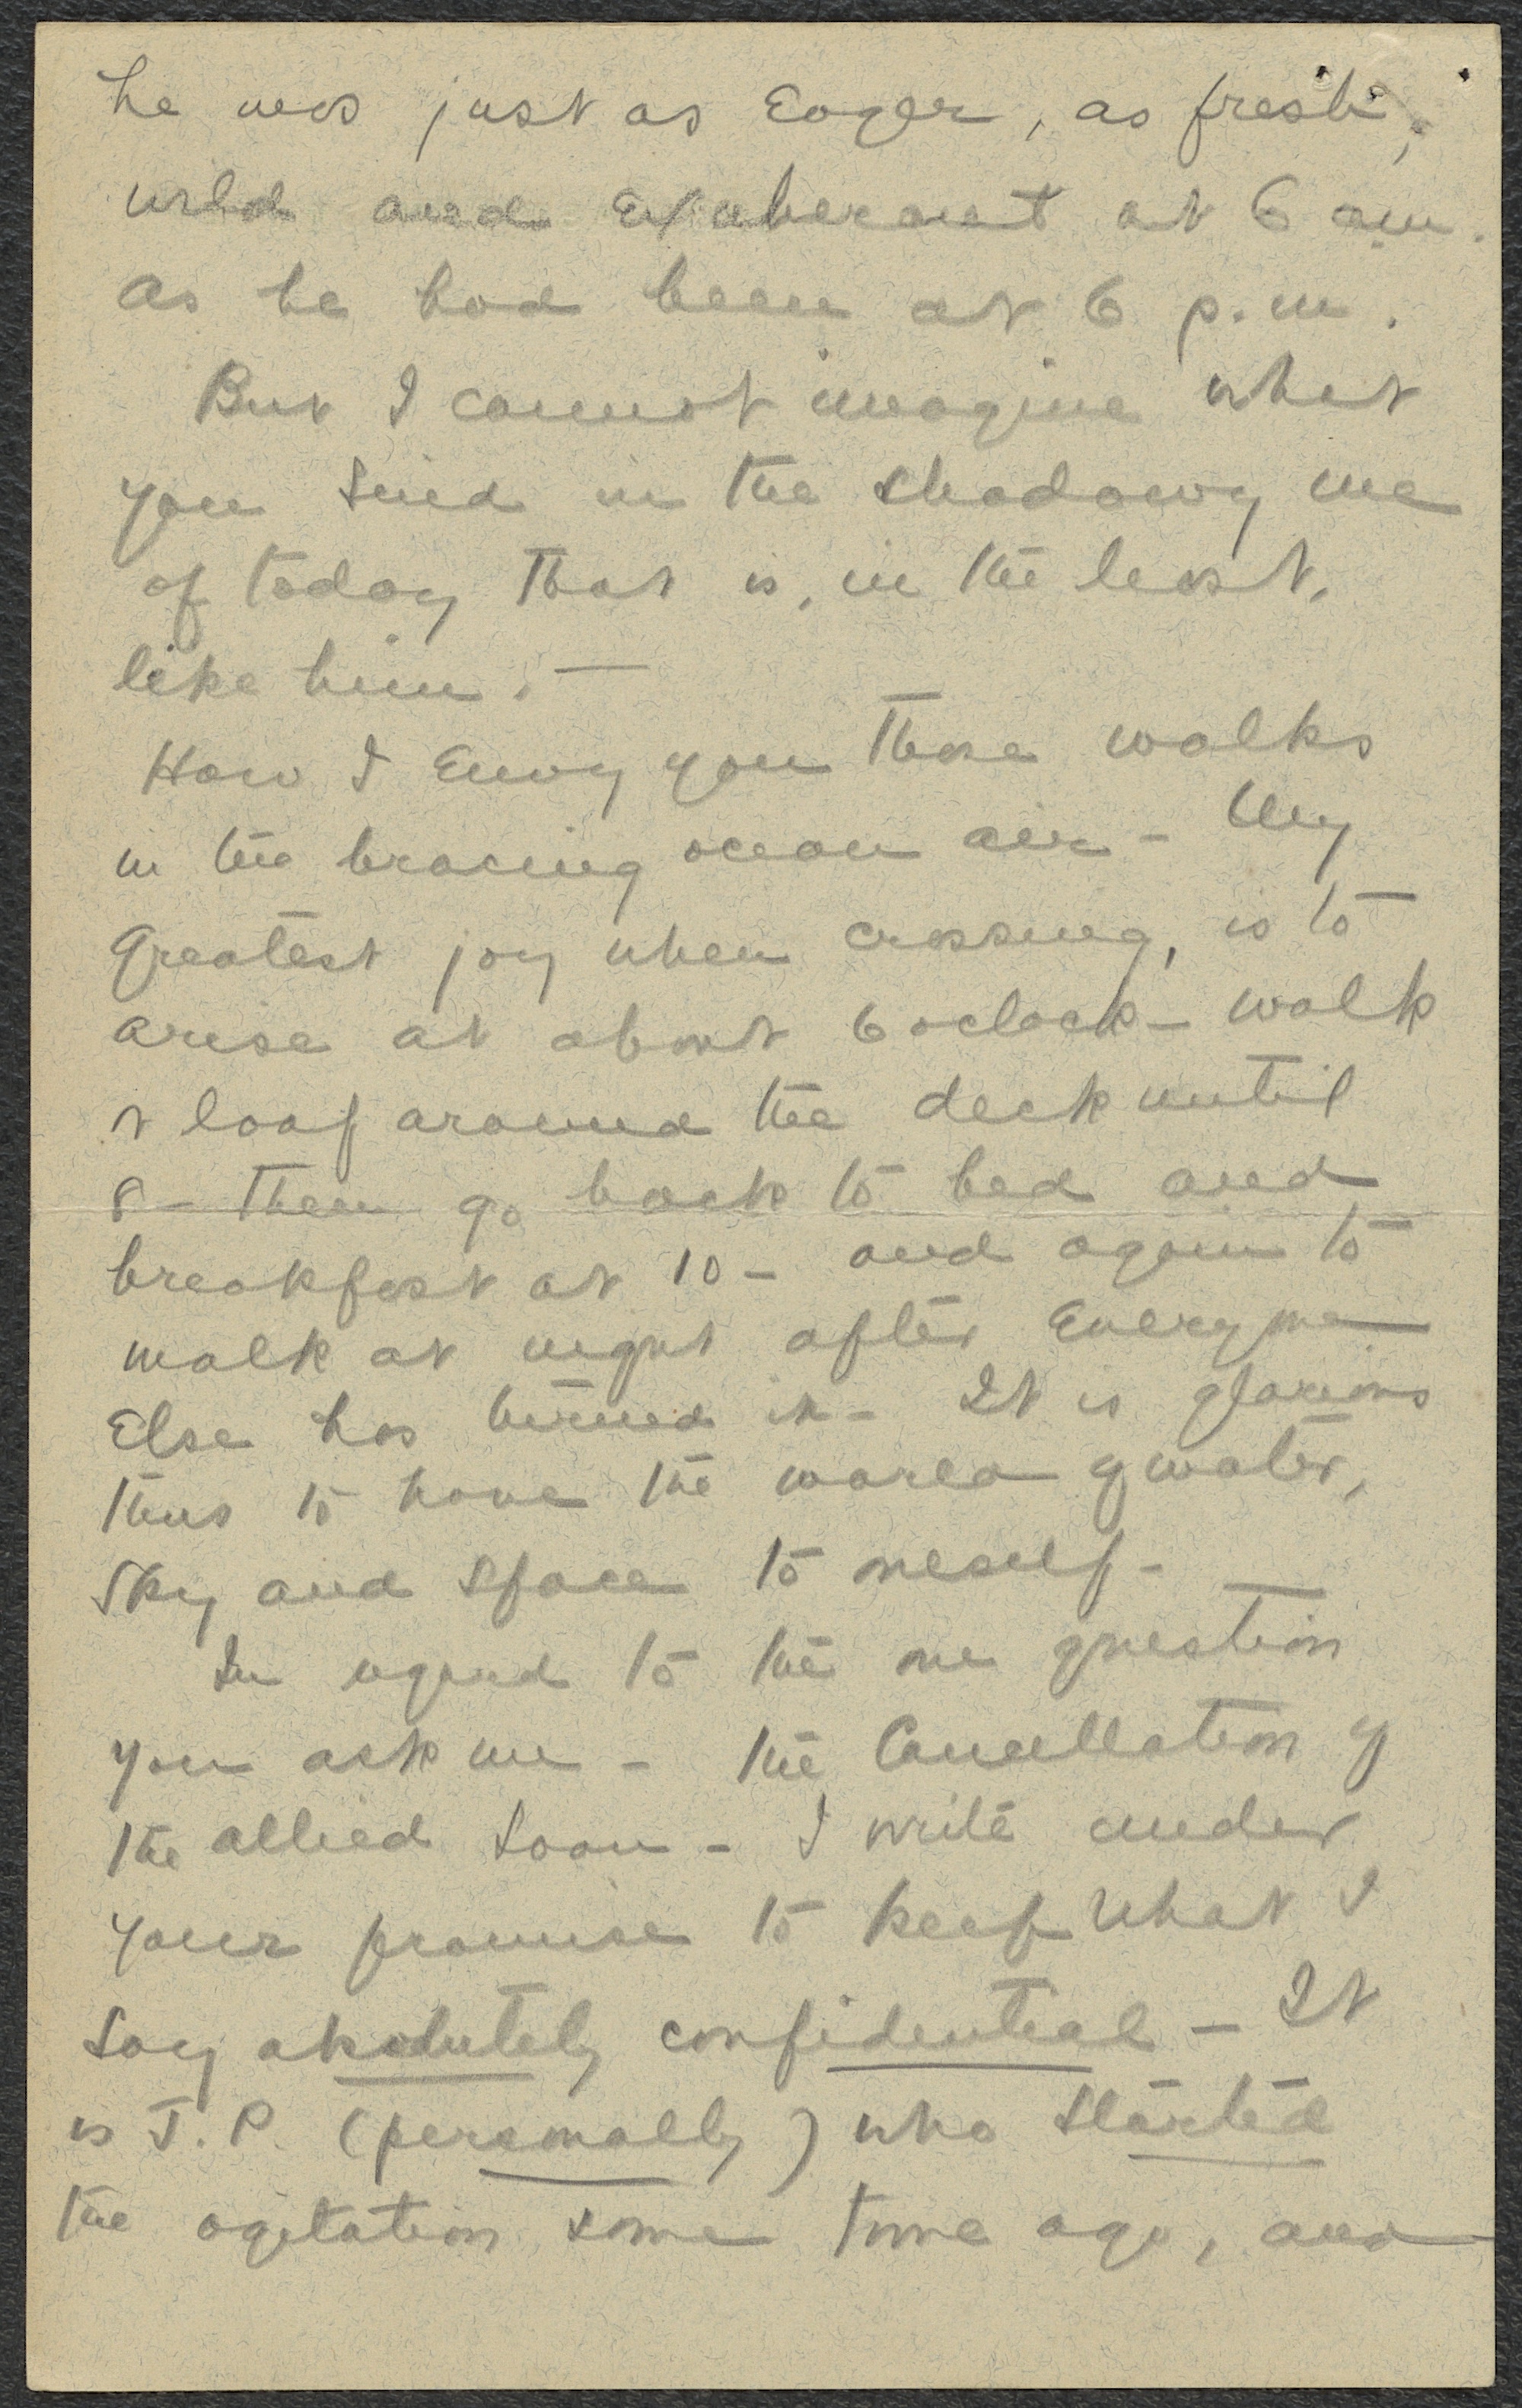he was just as eager, as fresh, wild and exuberant at 6 a.m. as he had been at 6 p.m.
But I cannot imagine what you find in the shadowy me of today that is, in the least, like him. –
How I envy you those walks in the bracing ocean air – My greatest joy when crossing, is to arise at about 6 oclock – walk or loaf around the deck until 8 – then go back to bed and breakfast at 10 – and again to walk at night after everyone else has turned in – It is glorious thus to have the world of water, sky and space to oneself –
See regard to the one question you ask me – the cancellation of the allied soon – I write under your promise to keep what I say absolutely confidential – It is J.P. (personally) who started the agitation some time ago, and